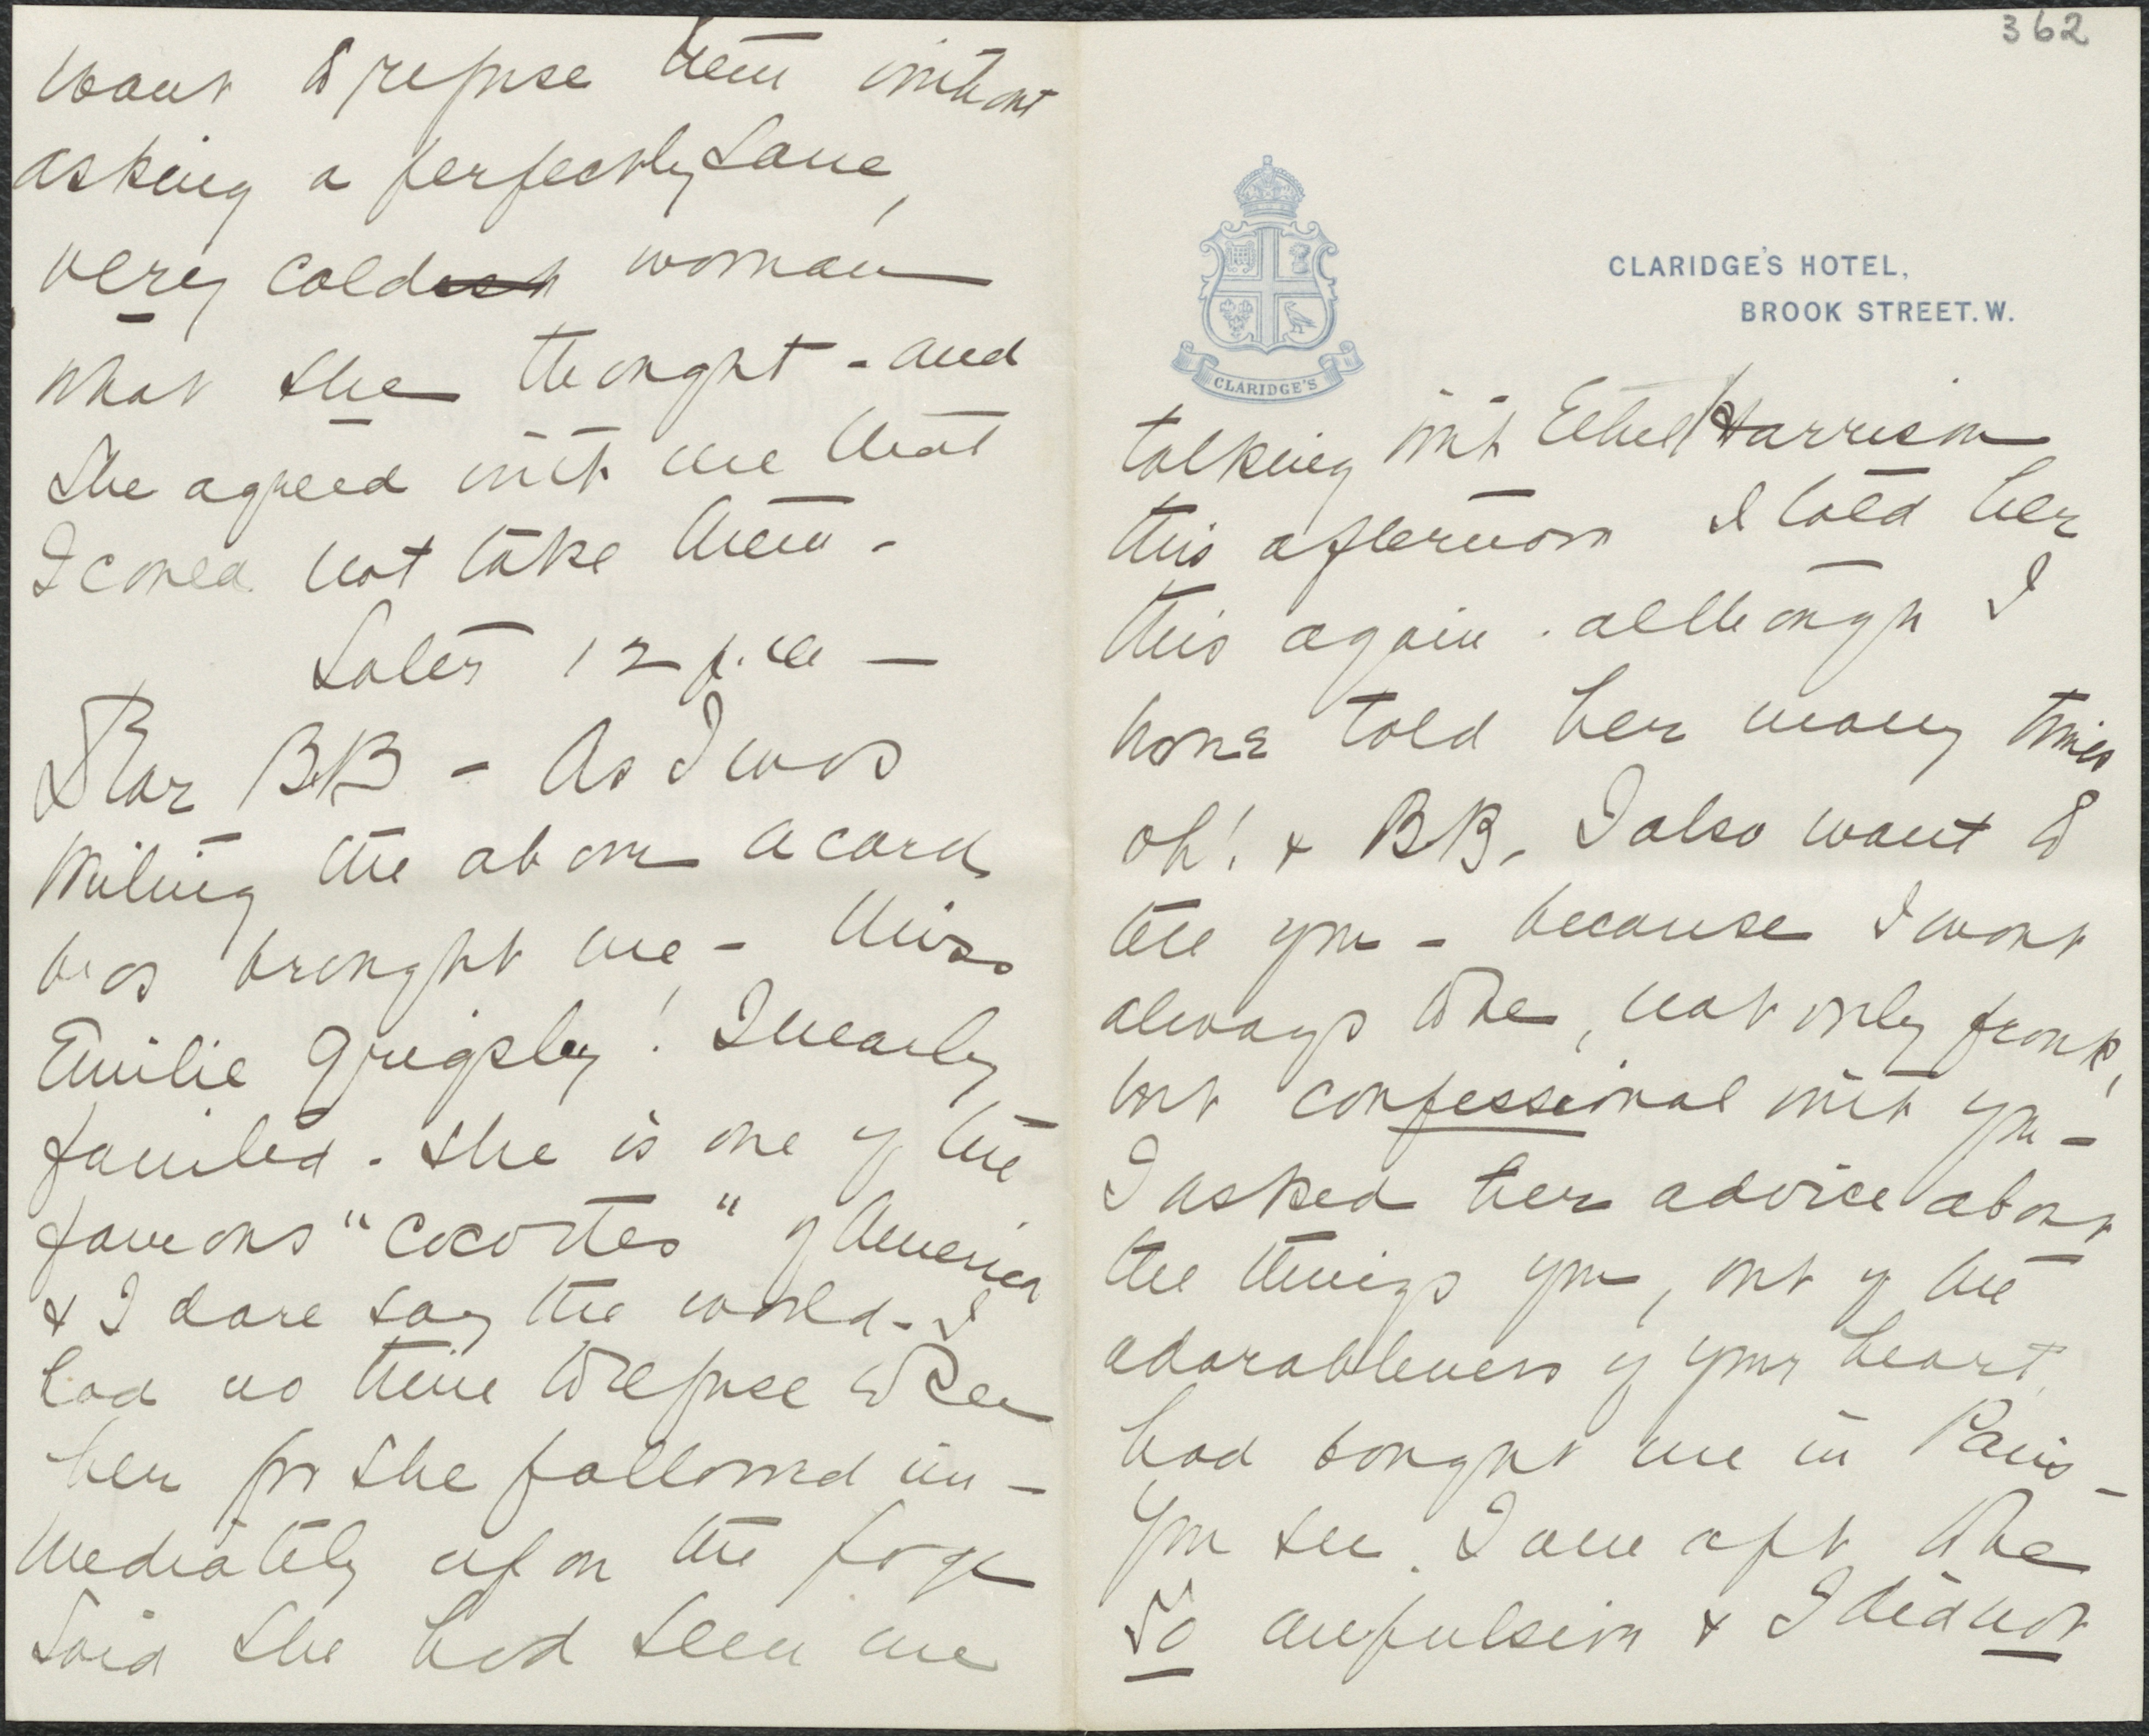talking with Ethel Harrison this afternoon I told her this again – although I have told her many times oh! & B. B. I also want to tell you – because I want always to be, not only frank, but confessional with you – I asked her advice about the things you, out of the adorableness of your heart, had bought me in Paris – You see, I am apt to be so impulsive & I did not
want to refuse them without asking a perfectly sane, very coldest woman what she thought – and she agreed with me that I could not take them –
Later 12 p.m –
Dear B. B – As I was writing the above a card was brought me – Miss Emilie Grigsby! I nearly fainted. She is one of the famous “cocottes” of America & I dare say the world – I had no time to refuse to see her for she followed immediately upon the forge [?] said she had seen me